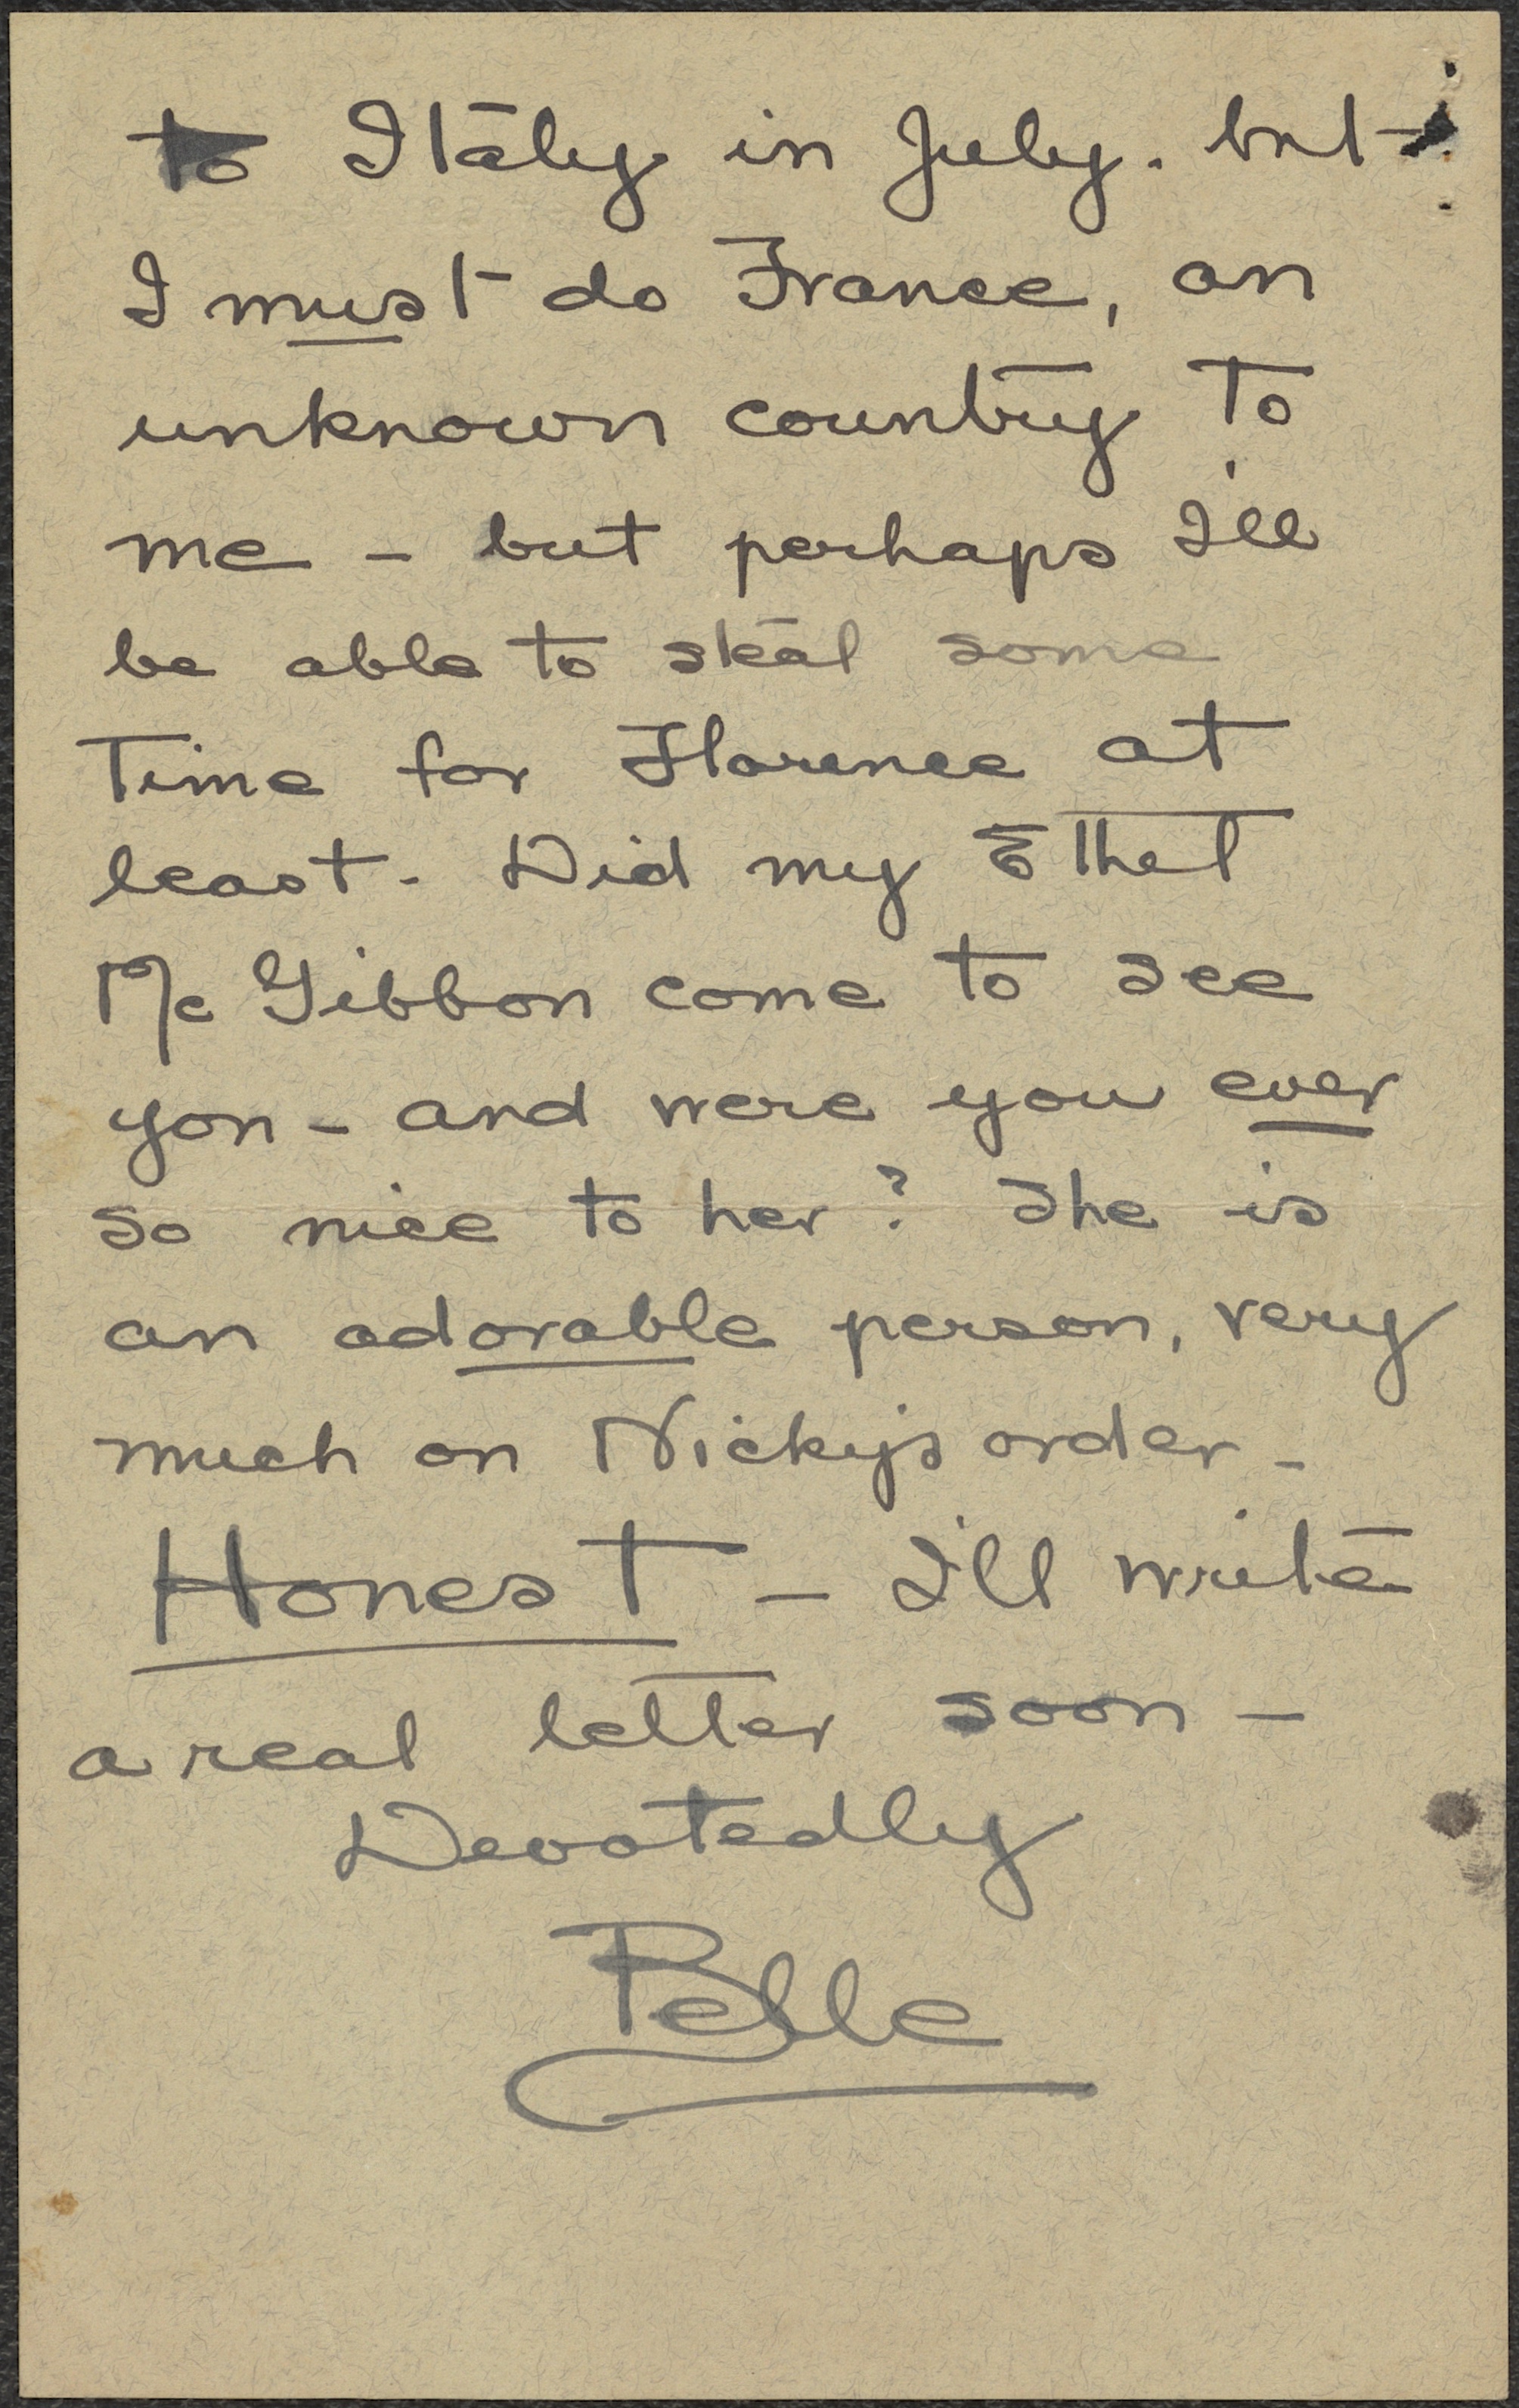to Italy in July. but – I must do France, an unknown country to me – but perhaps I’ll be able to steal some time for Florence at least. Did my Ethel McGibbon come to see you – and were you ever so nice to her? She is an adorable person, very much on Nicky’s order –
Honest – I’ll write a real letter soon –
Devotedly
Belle